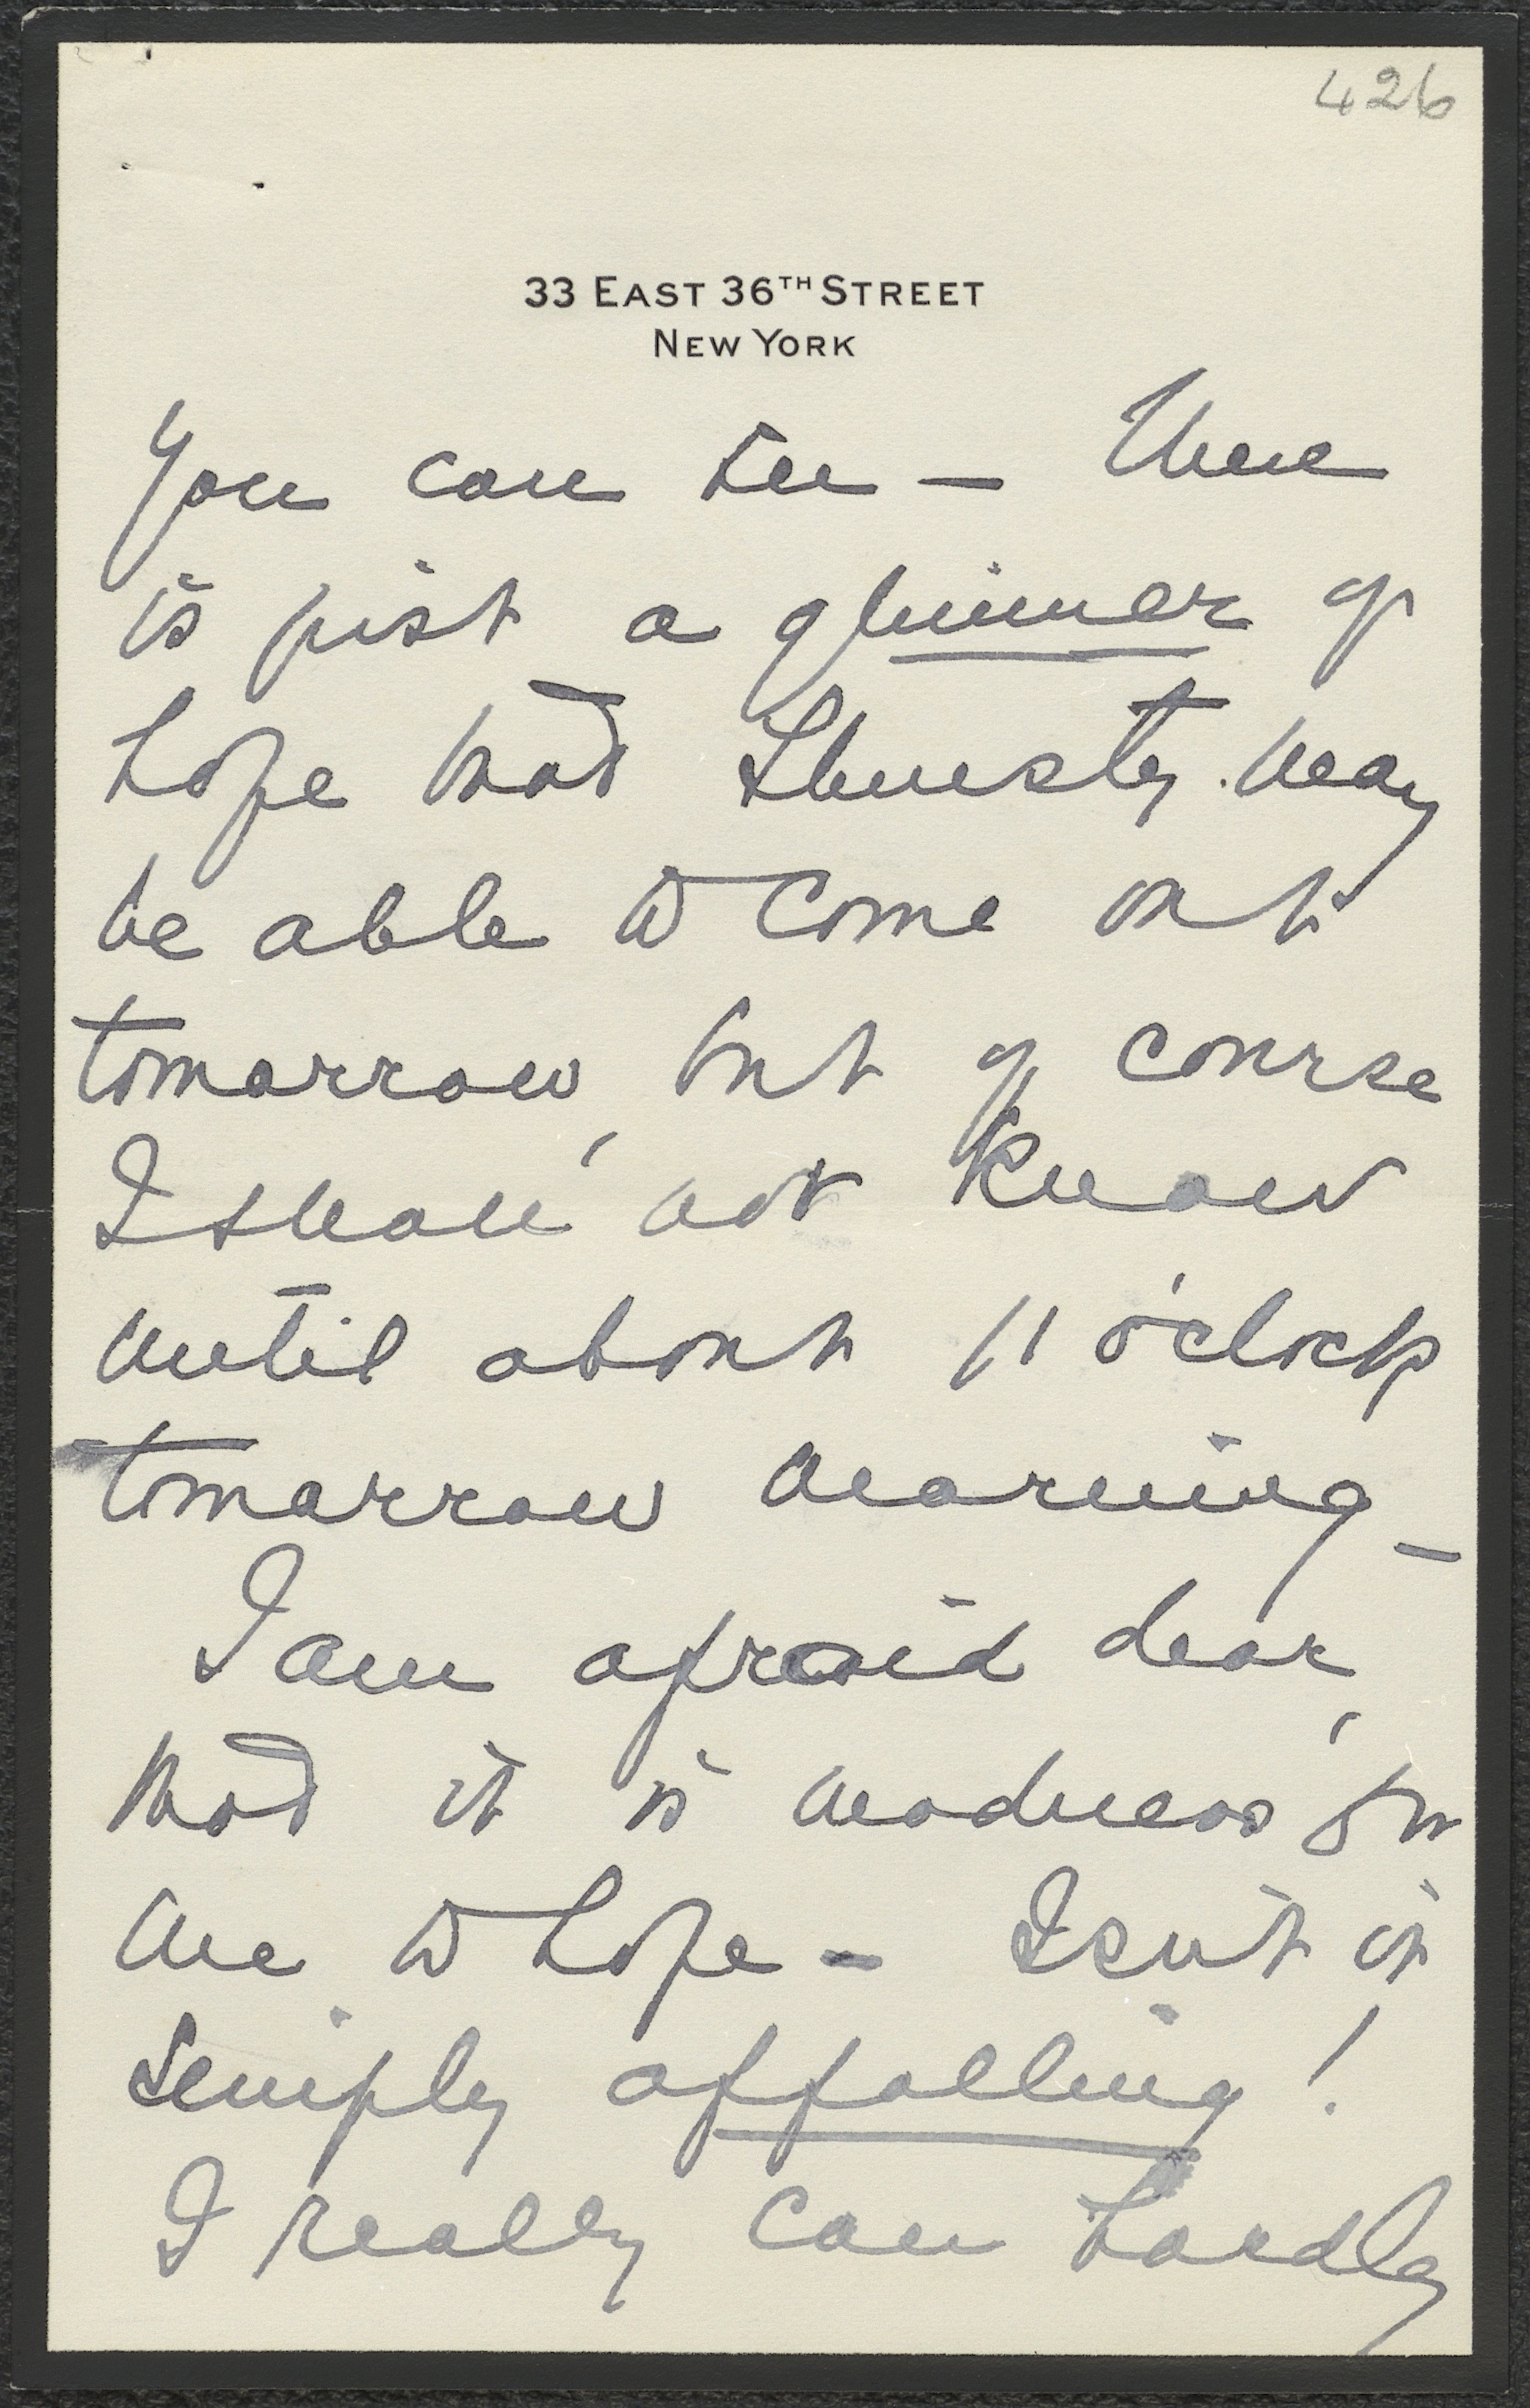you can see – there is just a glimmer of hope that Thursty may be able to come out tomorrow, but of course I shall not know until about 11 o’clock tomorrow morning –
I am afraid dear that it is madness for me to hope – Isn’t it simply appalling!
I really can hardly